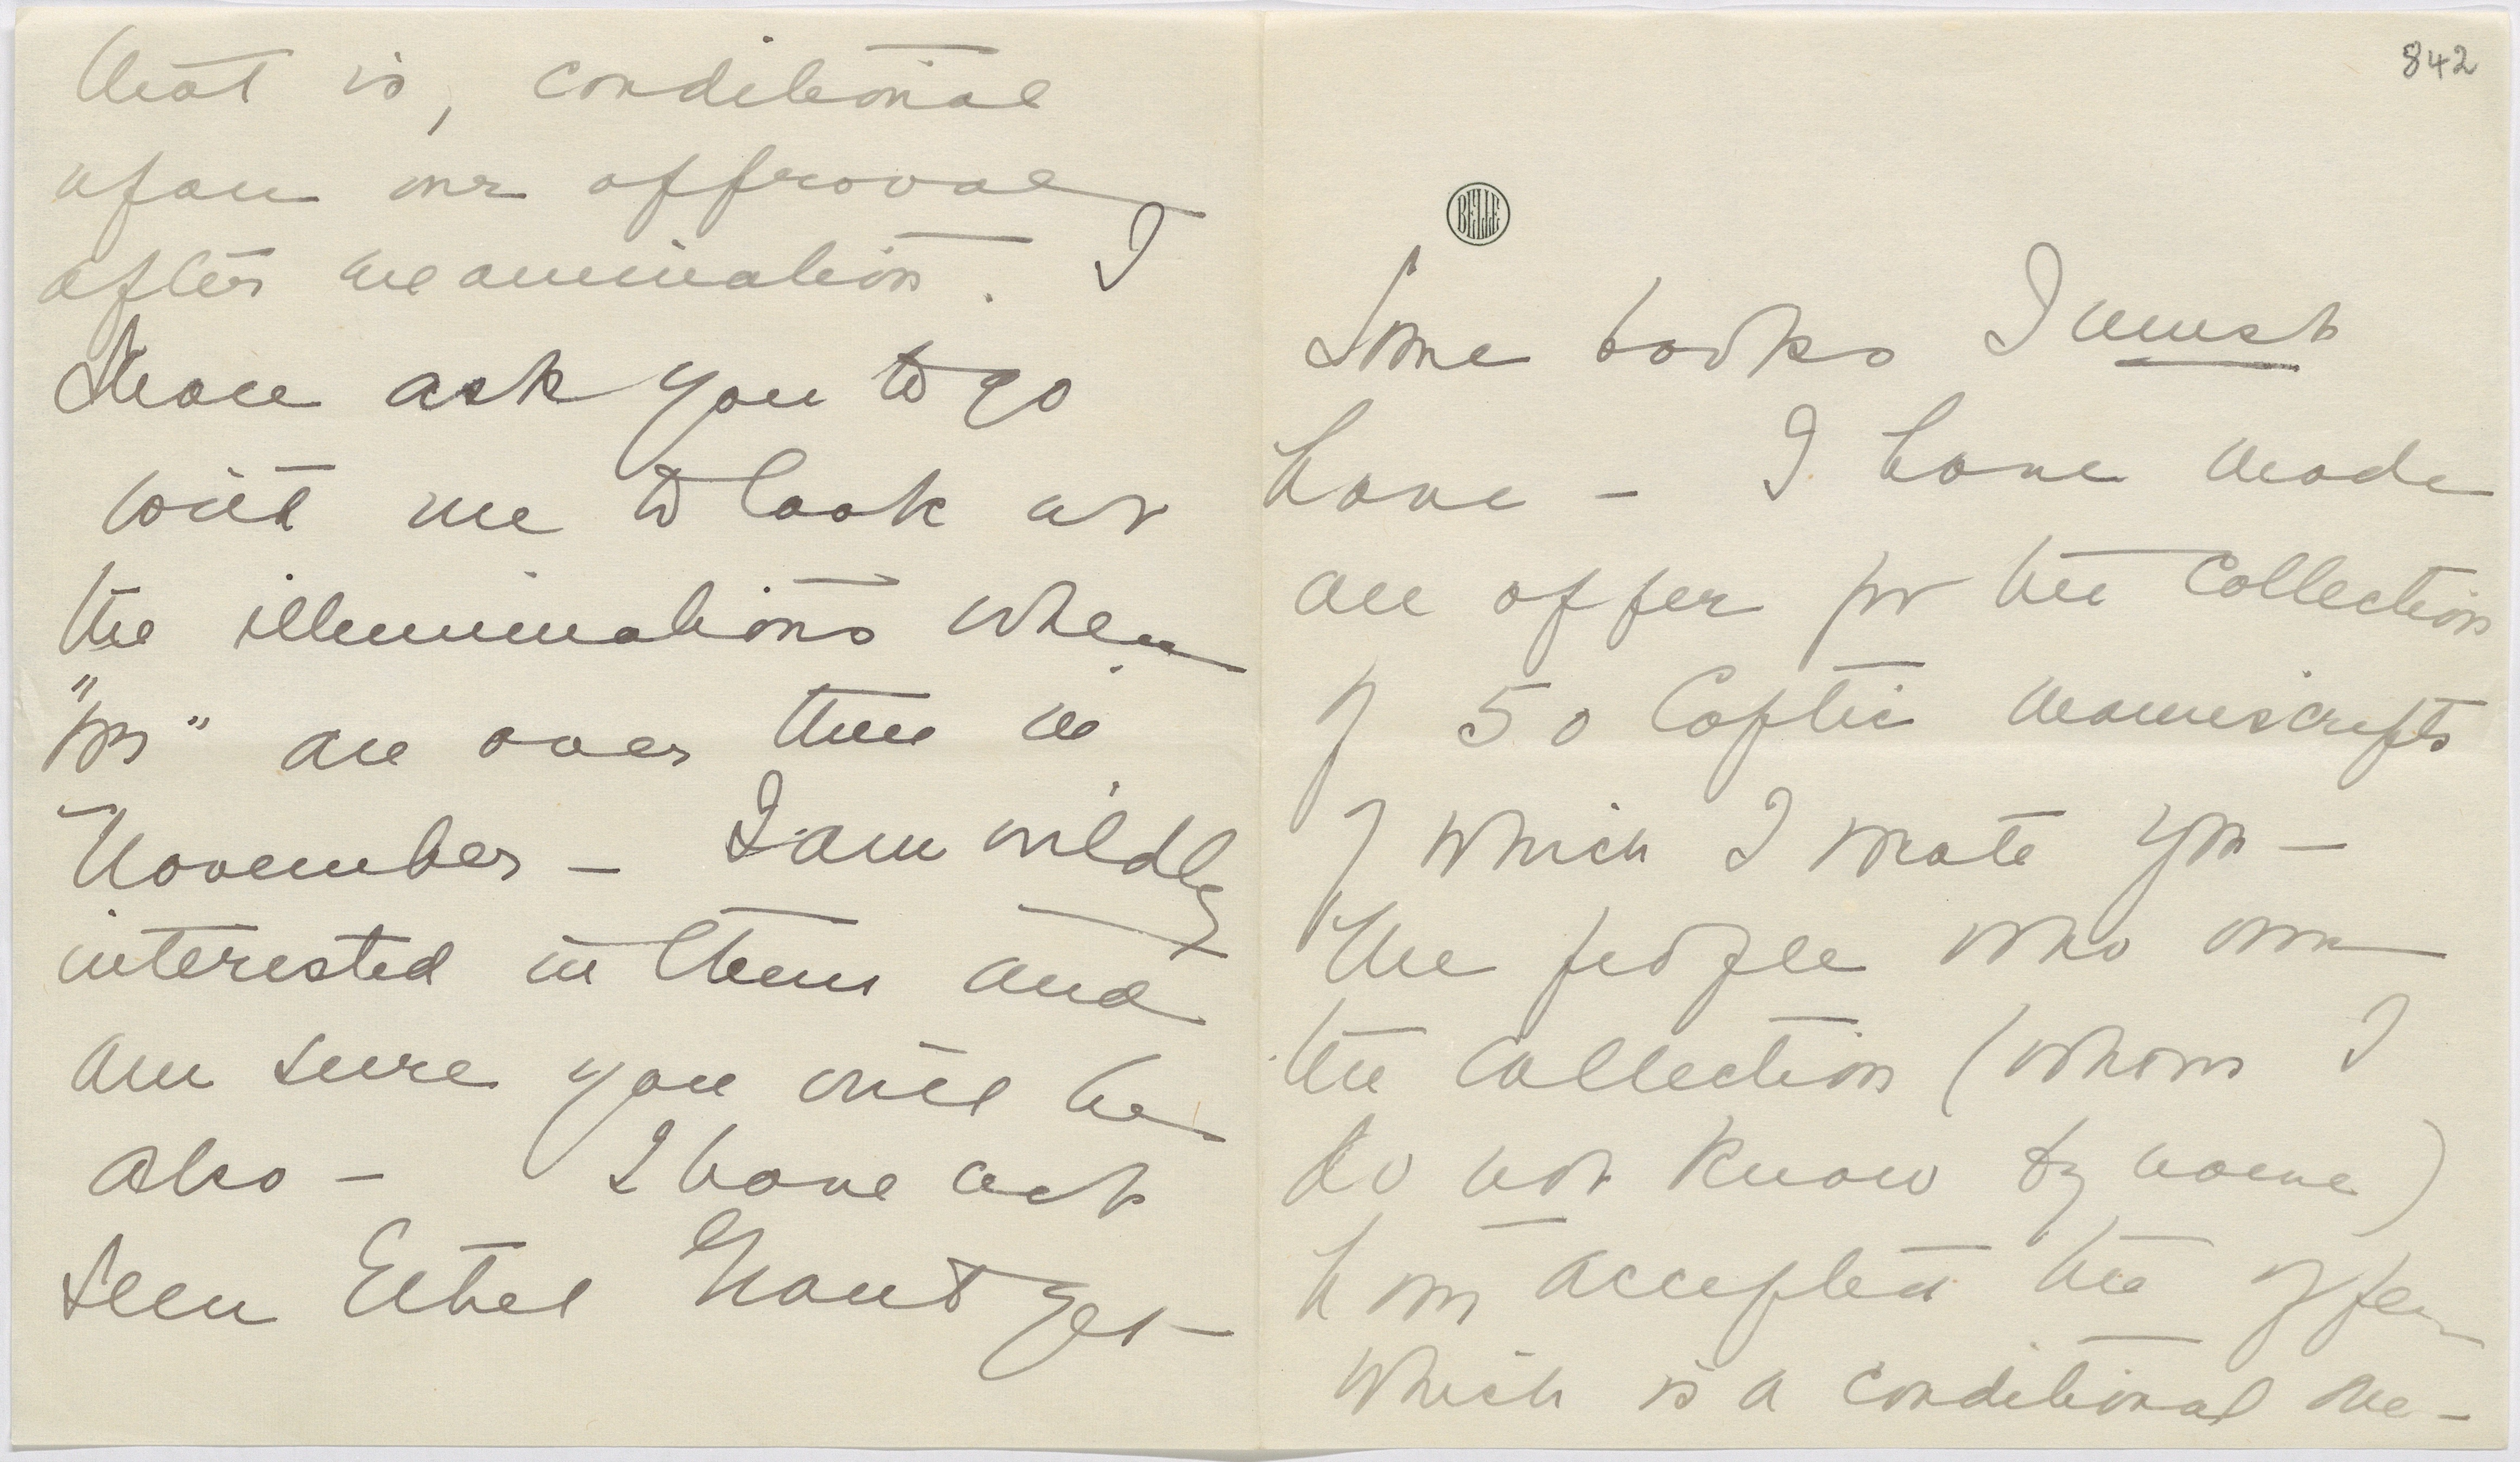Some books I must have – I have made an offer for the collection of 50 Coptic manuscripts of which I wrote you – The people who own the collection (whom I do not know by name) have accepted the offer – which is a conditional one –
that is, conditional upon our approval after examination. I shall ask you to go with me to look at the illuminations when “we” are over there in November – I am mildly interested in them and am sure you will be also – I have not seen Ethel Grant yet –